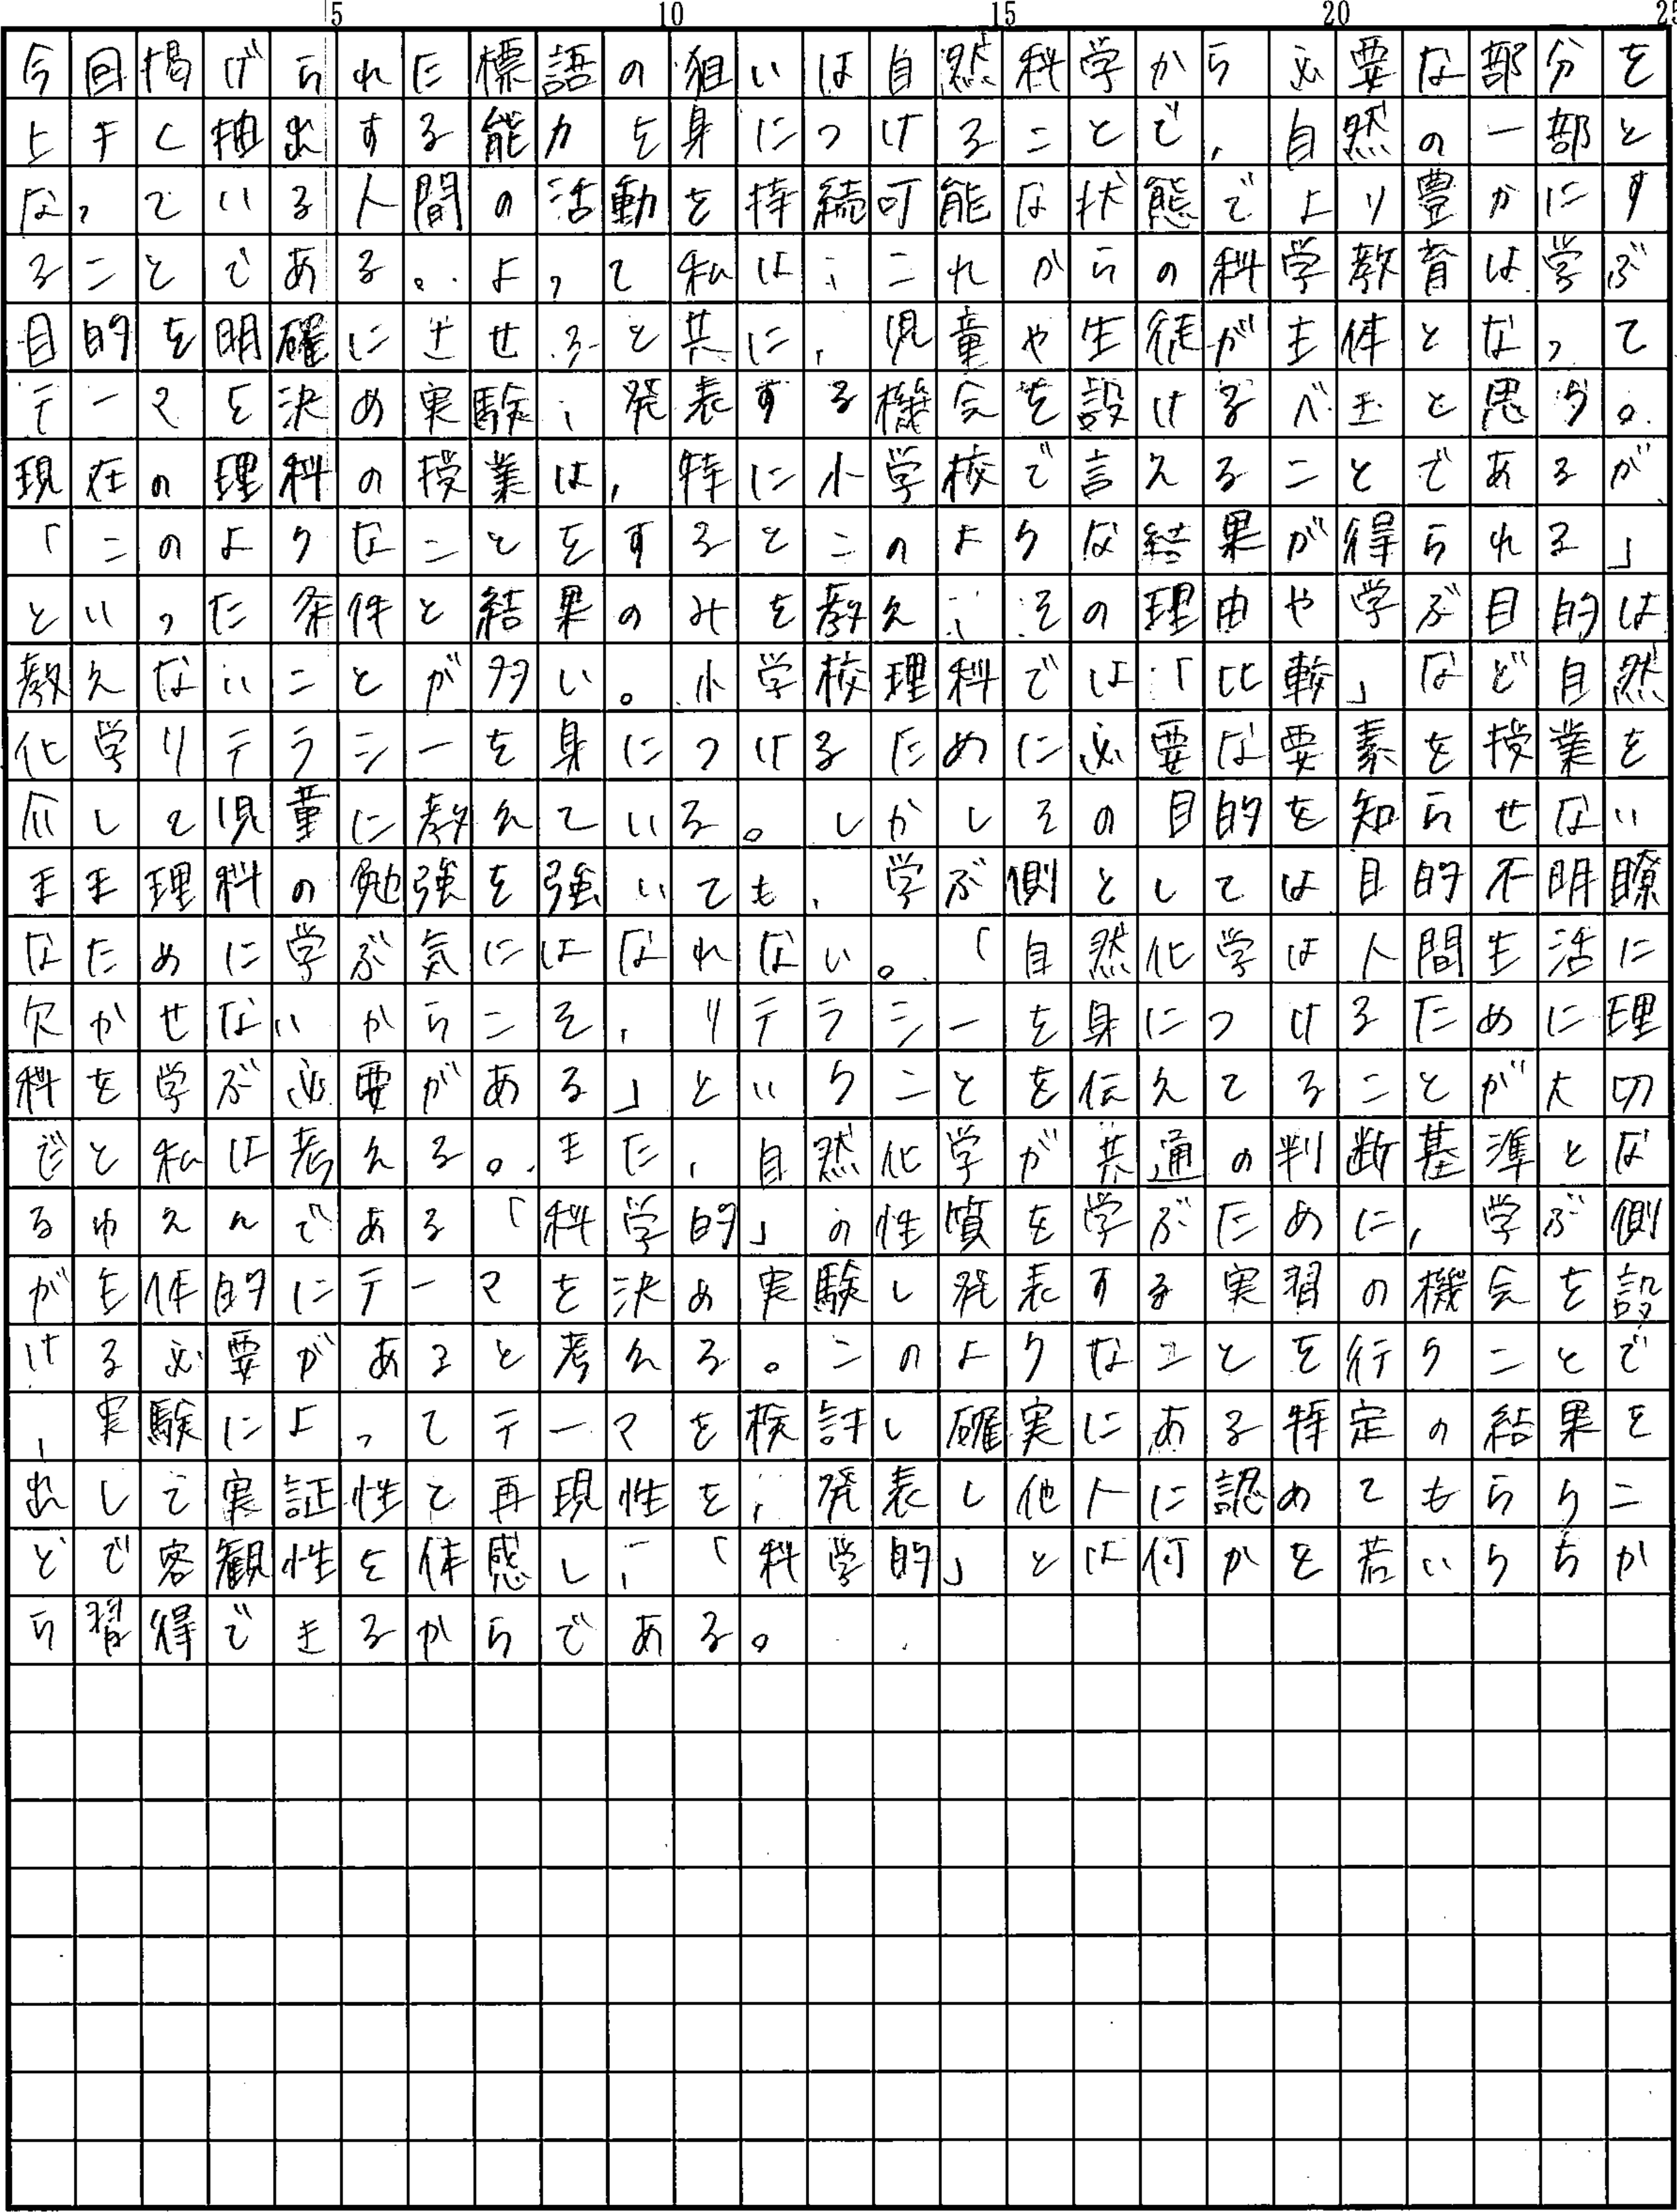今回掲げられた標語の狙いは自然科学から必要な部分を上手く抽出する能力を身につけることで、自然の一部となっている人間の活動を持続可能な状態でより豊かにすることである。よって私は、これからの科学教育は学ぶ目的を明確にさせると共に、児童や生徒が主体となってテーマを決め実験、発表する機会を設けるべきと思う。現在の理科の授業は、特に小学校で言えることであるが「このようなことをするとこのような結果が得られる」といった条件と結果のみを教え、その理由や学ぶ目的は教えないことが多い。小学校理科では「比較」など自然化学リテラシーを身につけるために必要な要素を授業を介して児童に教えている。しかしその目的を知らせないまま理科の勉強を強いても、学ぶ側としては目的不明瞭なために学ぶ気にはなれない。「自然化学は人間生活に欠かせないからこそ、リテラシーを身につけるために理科を学ぶ必要がある」ということを伝えてることが大切だと私は考える。また、自然化学が共通の判断基準となるゆえんである「科学的」の性質を学ぶために、学ぶ側が主体的にテーマを決め実験し発表する実習の機会を設ける必要があると考える。このようなことを行うことで、実験によってテーマを検討し確実にある特定の結果を出して実証性と再現性を、発表し他人に認めてもらうことで客観性を体感し、「科学的」とは何かを若いうちから習得できるからである。
